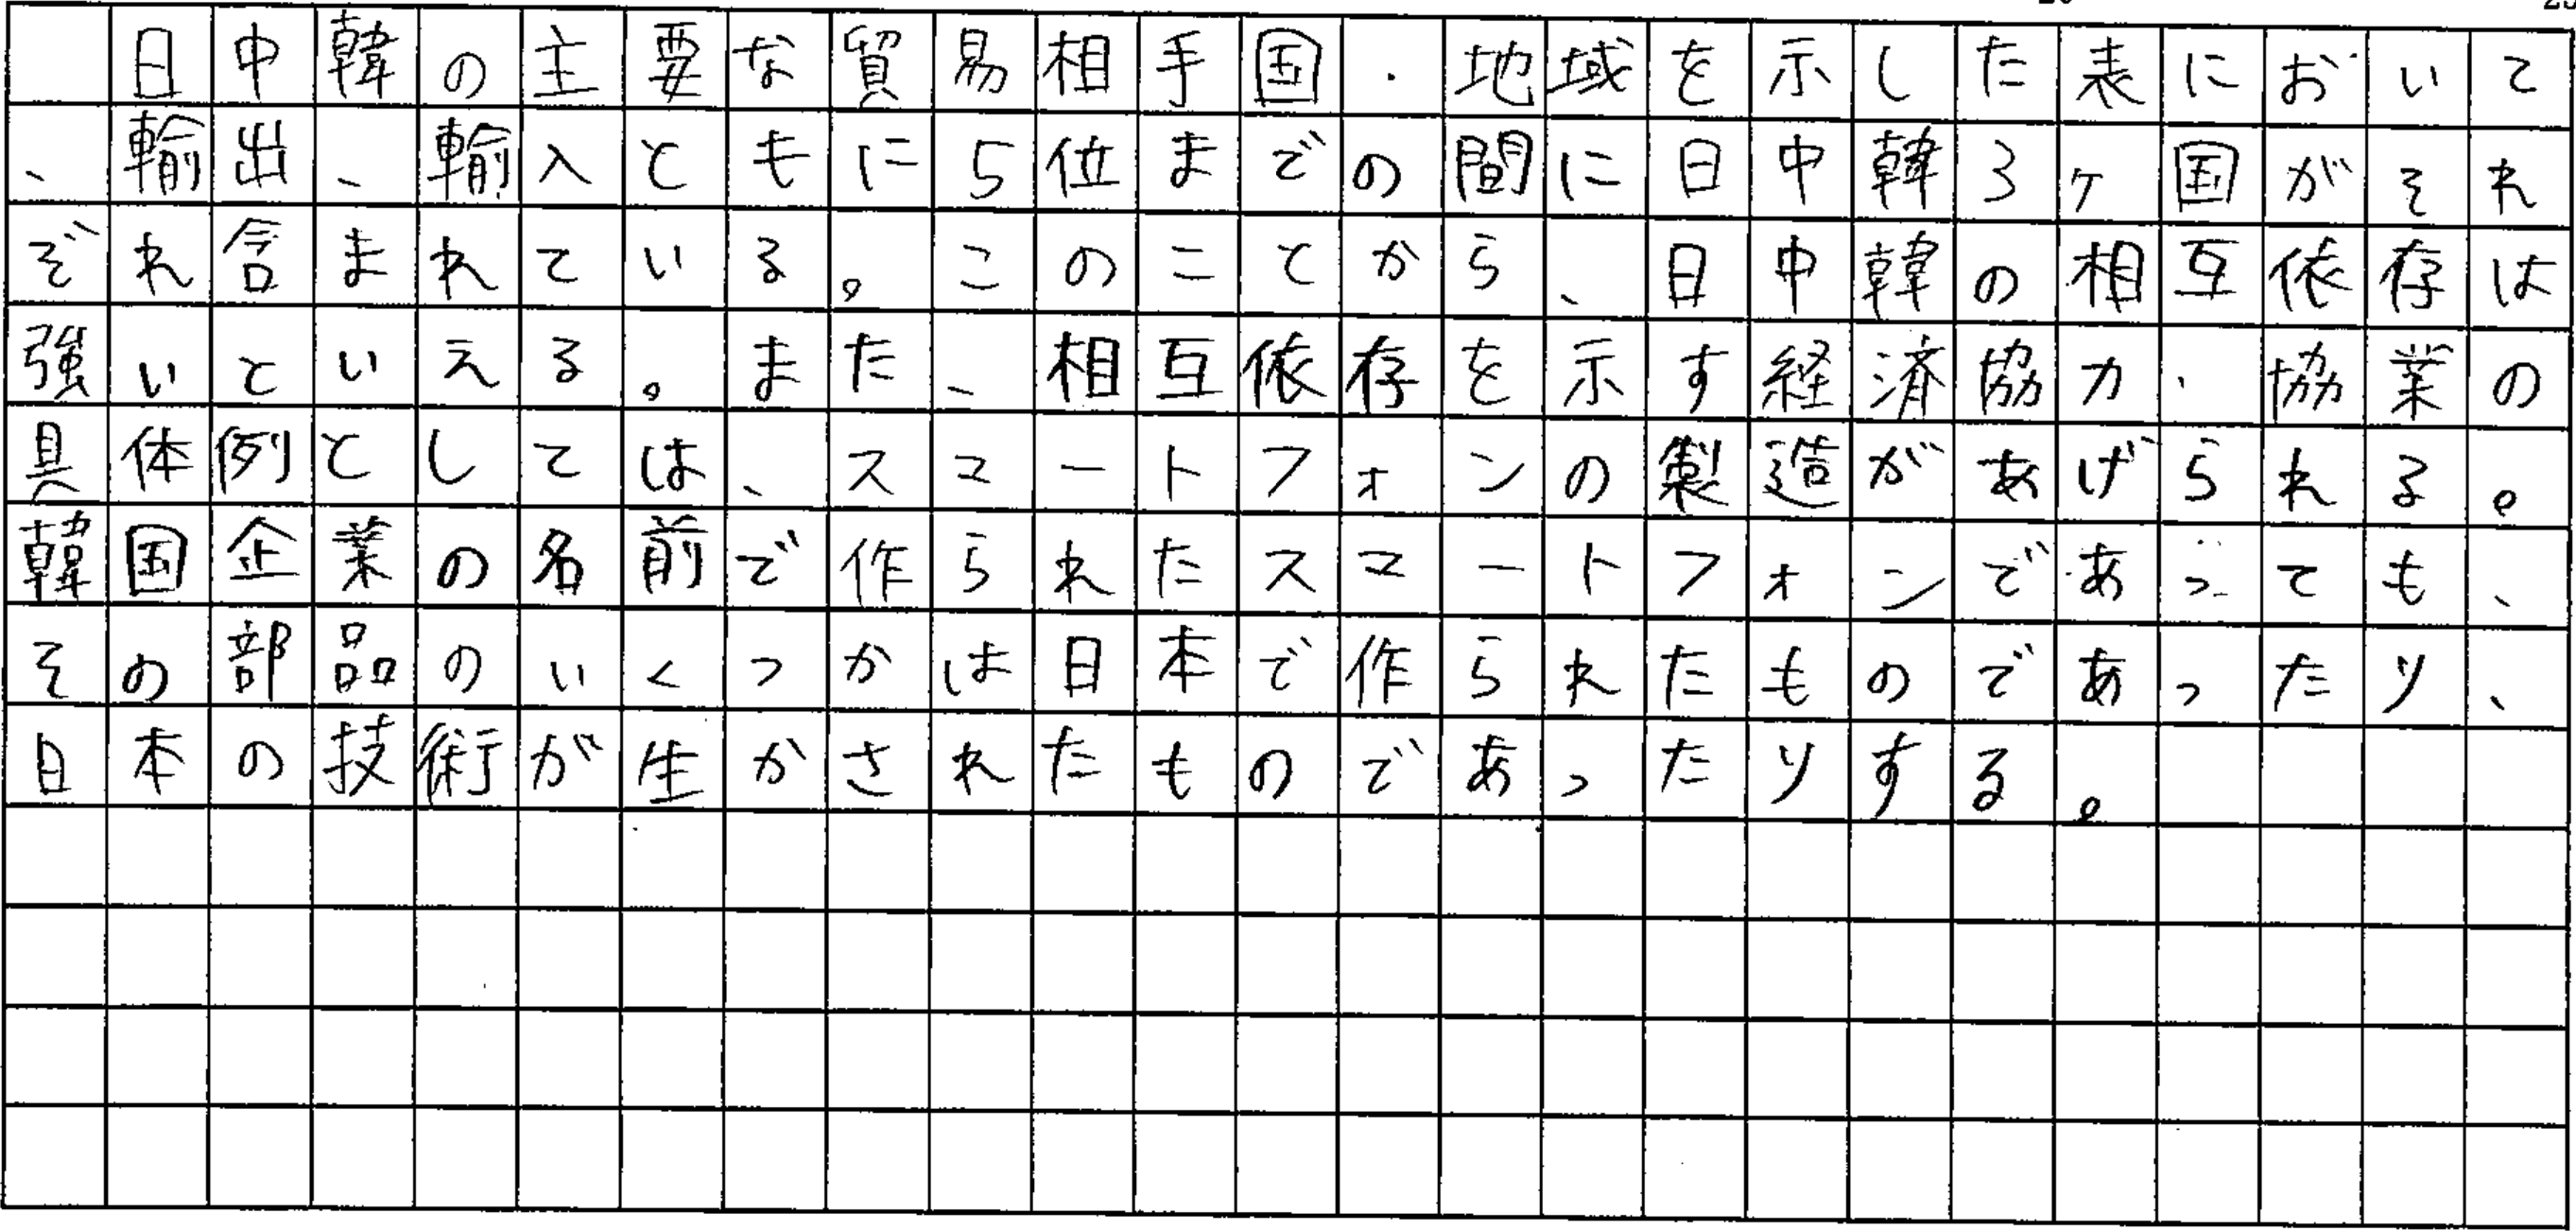　日中韓の主要な貿易相手国・地域を示した表において、輸出、輸入ともに５位までの間に日中韓３ヶ国がそれぞれ含まれている。このことから、日中韓の相互依存は強いといえる。また、相互依存を示す経済協力・協業の具体例としては、スマートフォンの製造があげられる。韓国企業の名前で作られたスマートフォンであっても、その部品のいくつかは日本で作られたものであったり、日本の技術が生かされたものであったりする。
